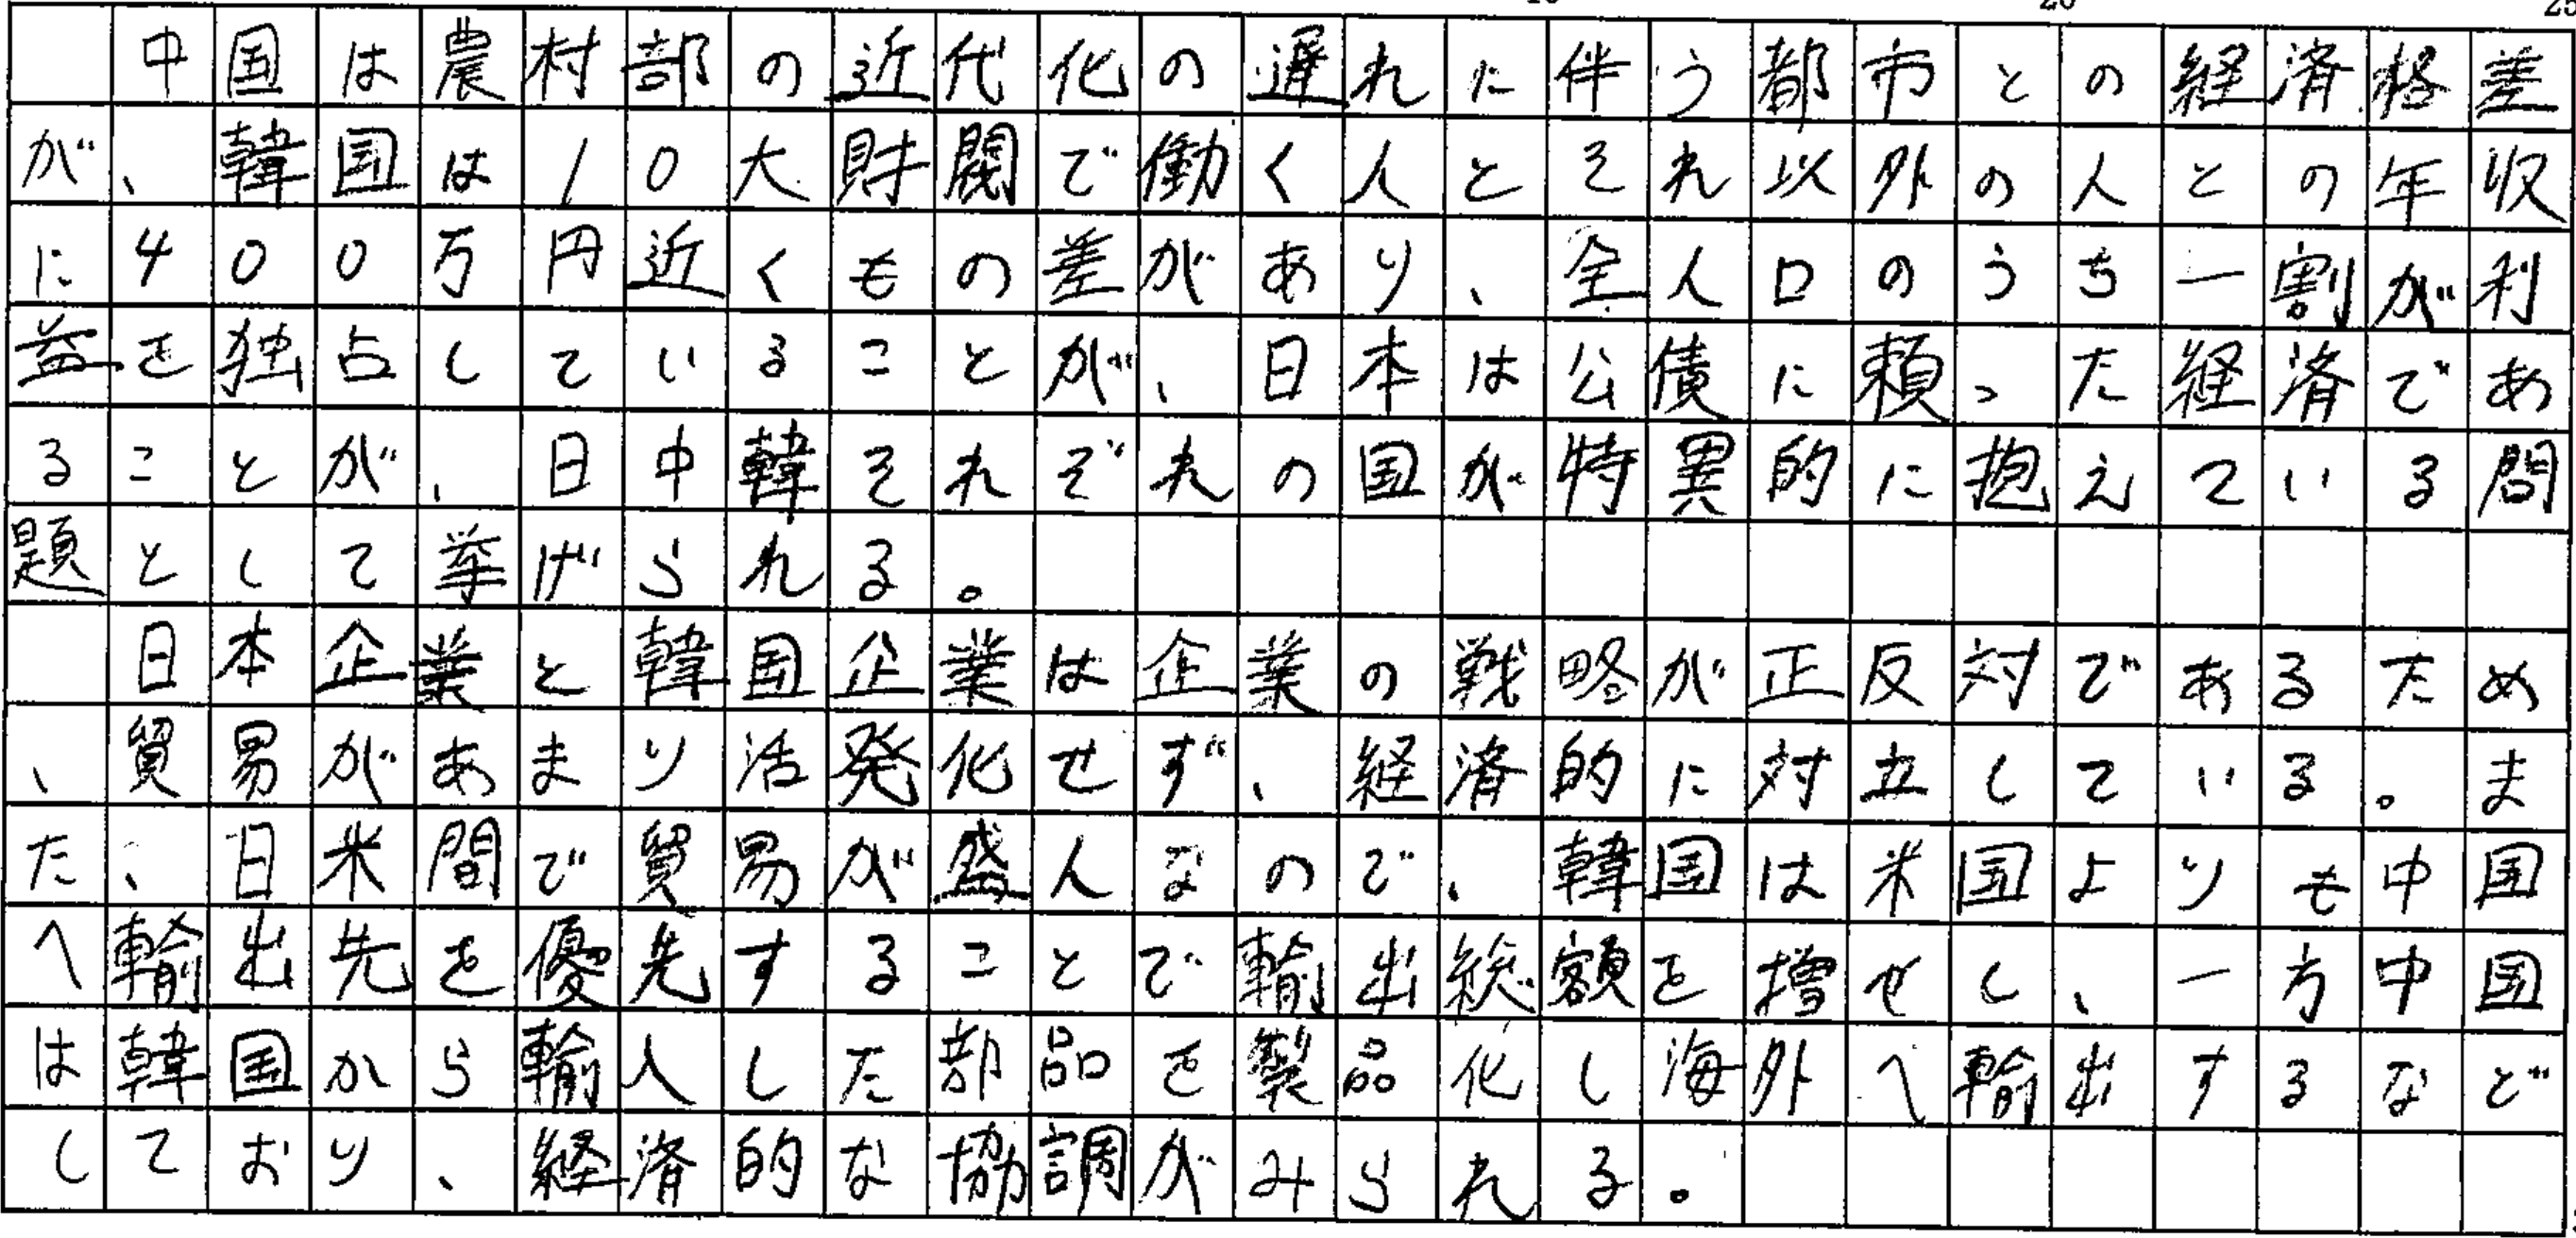　中国は農村部の近代化の遅れに伴う都市との経済格差が、韓国は１０大財閥で働く人とそれ以外の人との年収に４００万円近くもの差があり、全人口のうち一割が利益を独占していることが、日本は公債に頼った経済であることが、日中韓それぞれの国が特異的に抱えている問題として挙げられる。
　日本企業と韓国企業は企業の戦略が正反対であるため、貿易があまり活発化せず、経済的に対立している。また、日米間で貿易が盛んなので、韓国は米国よりも中国へ輸出先を優先することで輸出総額を増やし、一方中国は韓国から輸入した部品を製品化し海外へ輸出するなどしており、経済的な協調がみられる。
